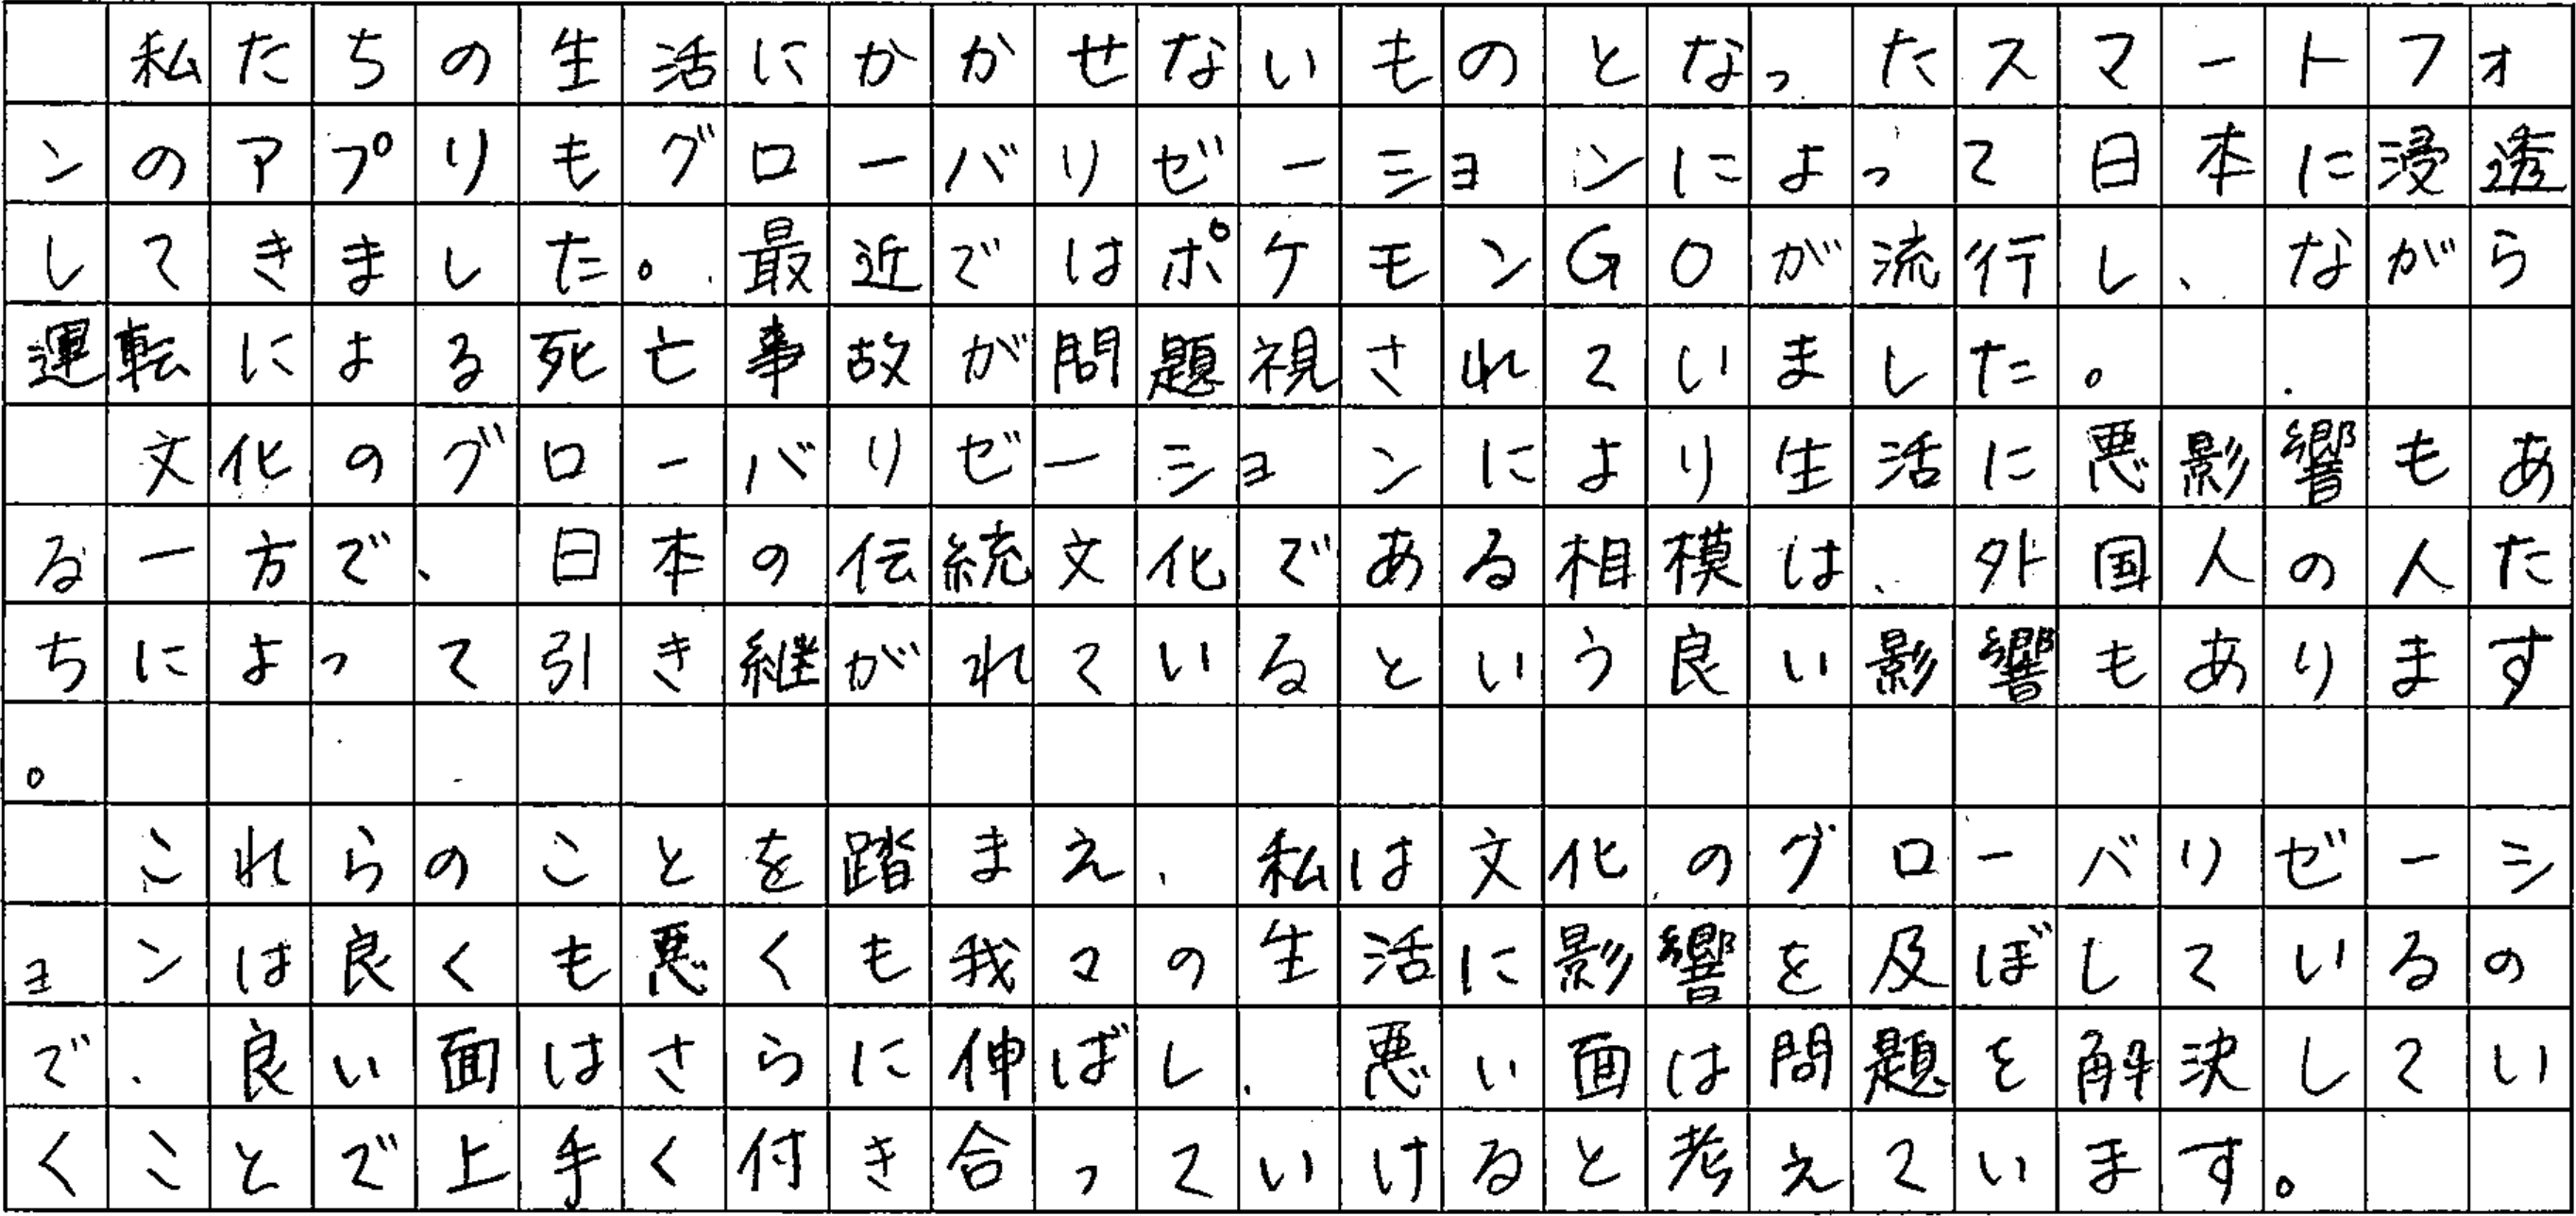　私たちの生活にかかせないものとなったスマートフォンのアプリもグローバリゼーションによって日本に浸透してきました。最近ではポケモンＧＯが流行し、ながら運転による死亡事故が問題視されていました。
　文化のグローバリゼーションにより生活に悪影響もある一方で、日本の伝統文化である相模は、外国人の人たちによって引き継がれているという良い影響もあります。
　これらのことを踏まえ、私は文化のグローバリゼーションは良くも悪くも我々の生活に影響を及ぼしているので、良い面はさらに伸ばし、悪い面は問題を解決していくことで上手く付き合っていけると考えています。
